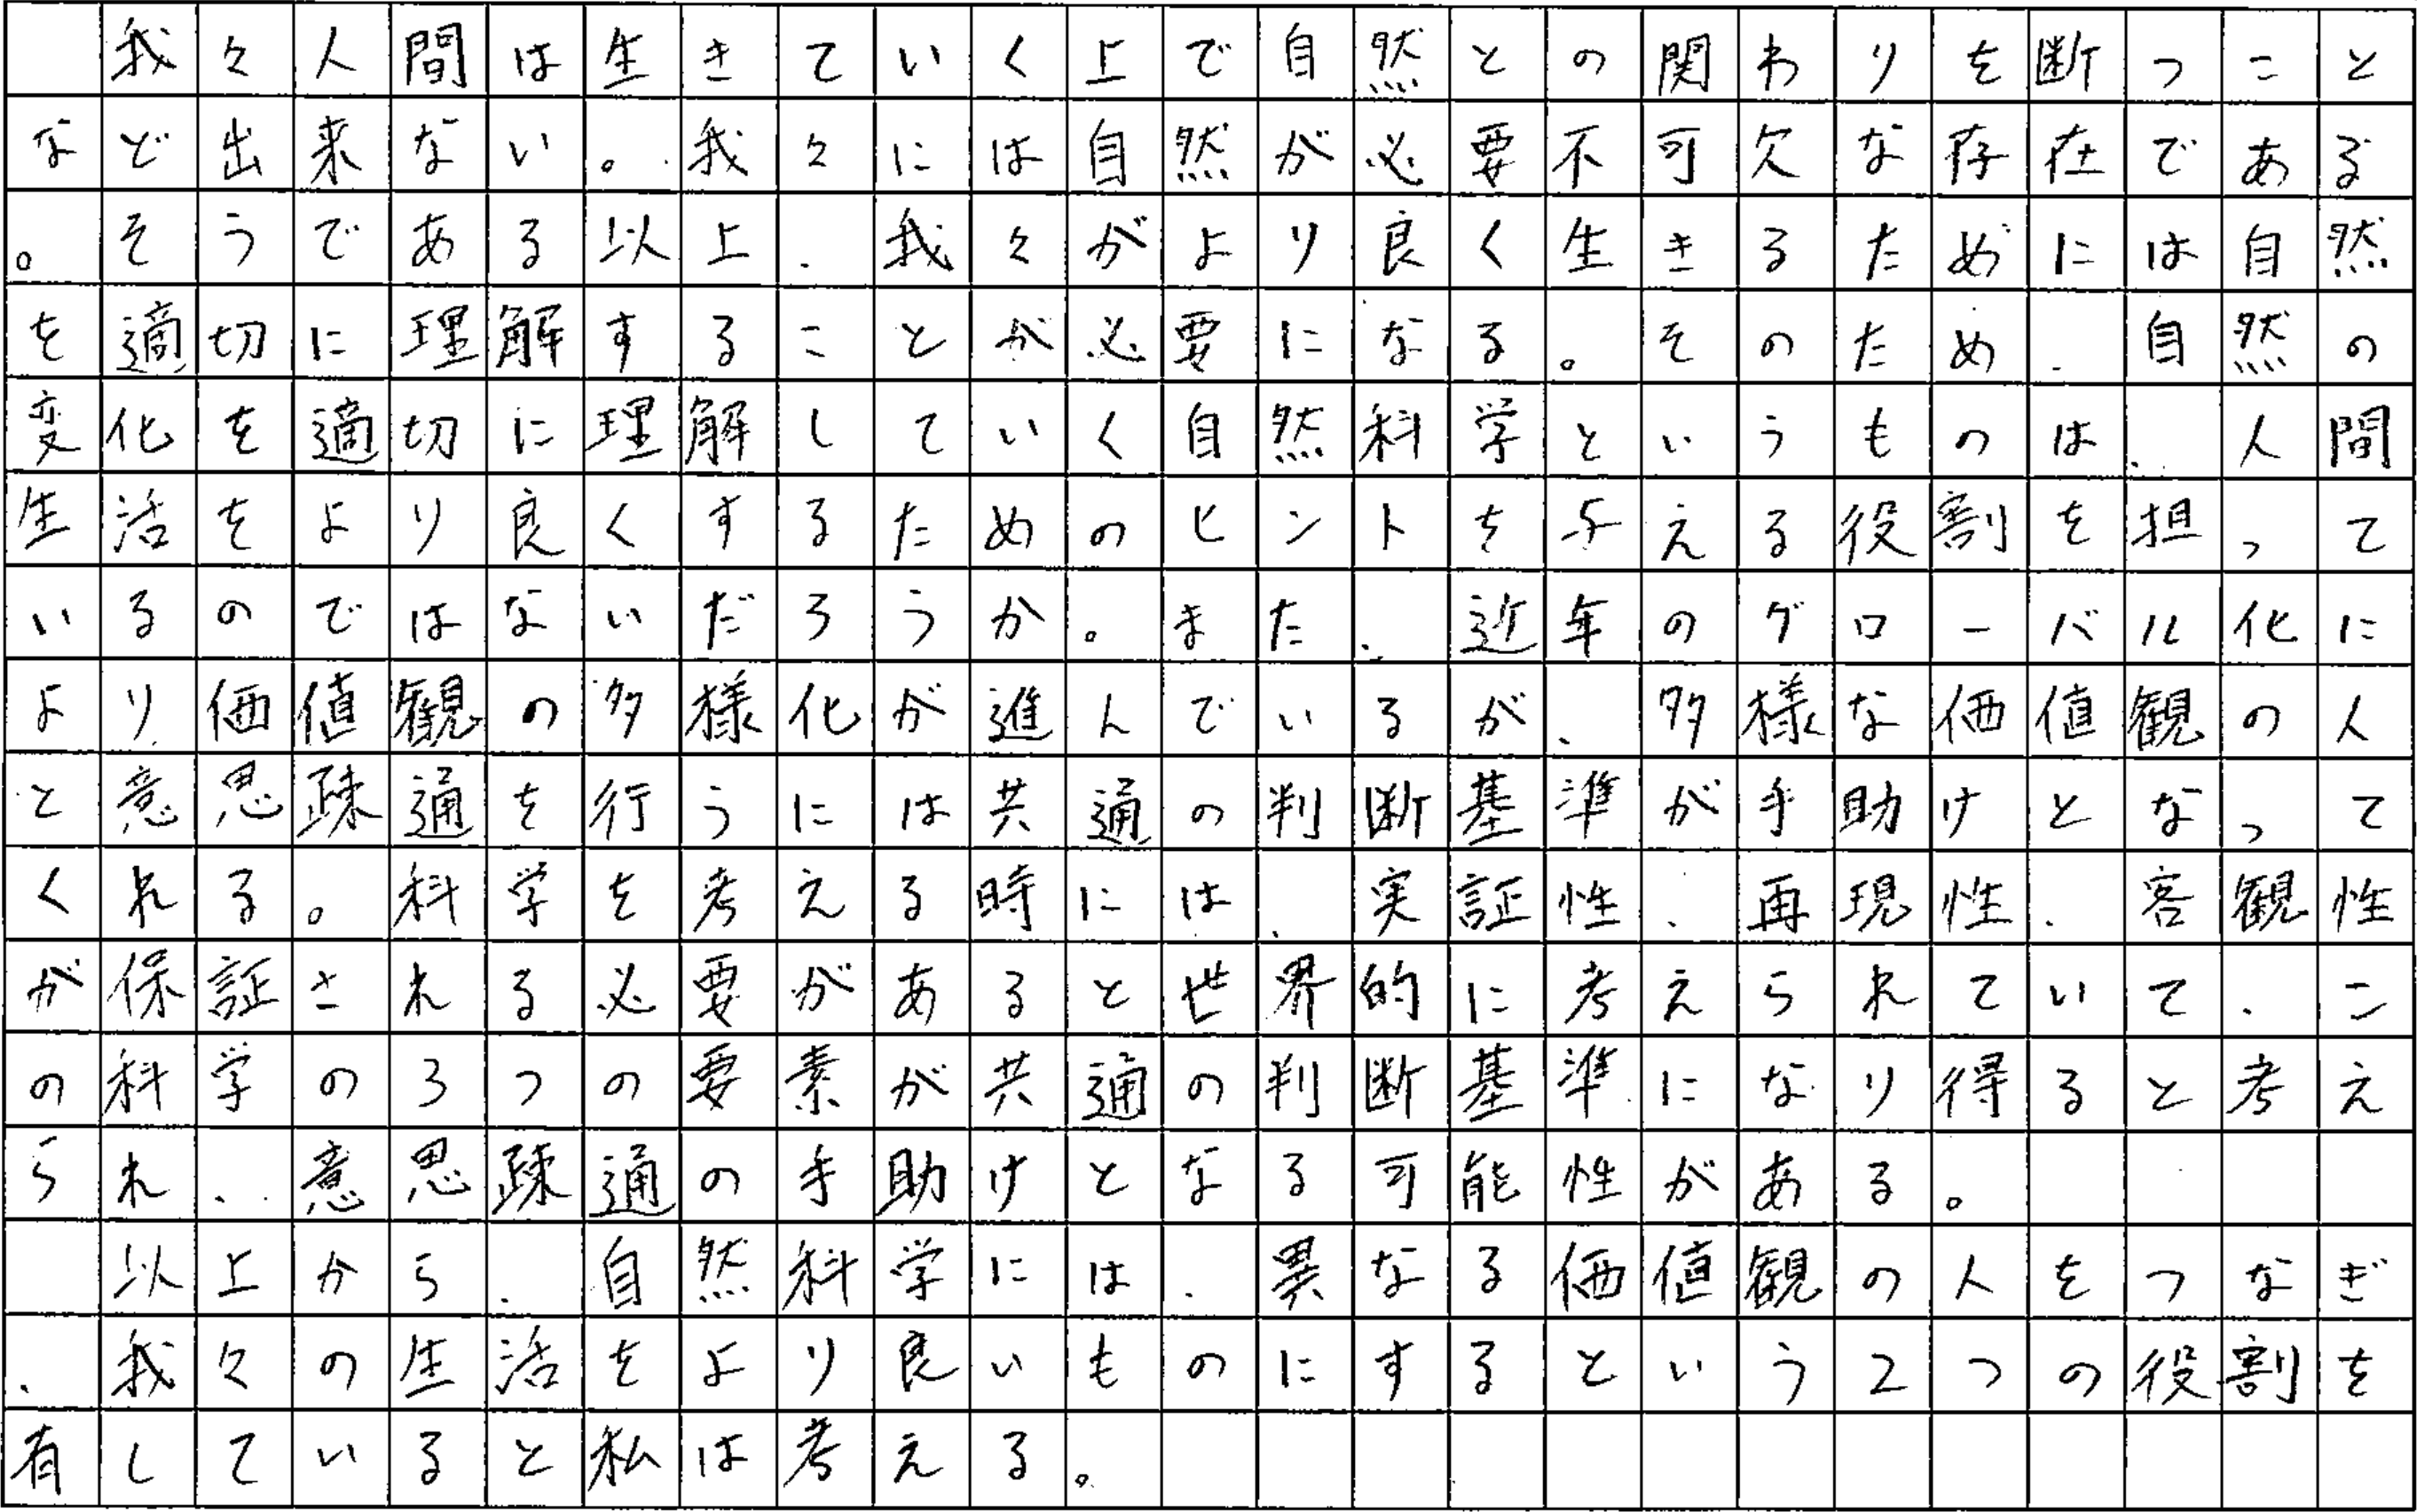我々人間は生きていく上で自然との関わりを断つことなど出来ない。我々には自然が必要不可欠な存在である。そうである以上、我々がより良く生きるためには自然を適切に理解することが必要になる。そのため、自然の変化を適切に理解していく自然科学というものは、人間生活をより良くするためのヒントを与える役割を担っているのではないだろうか。また、近年のグローバル化により価値観の多様化が進んでいるが、多様な価値観の人と意思疎通を行うには共通の判断基準が手助けとなってくれる。科学を考える時には、実証性、再現性、客観性が保証される必要があると世界的に考えられていて、この科学の３つの要素が共通の判断基準になり得ると考えられ、意思疎通の手助けとなる可能性がある。
　以上から、自然科学には、異なる価値観の人をつなぎ、我々の生活をより良いものにするという２つの役割を有している。
